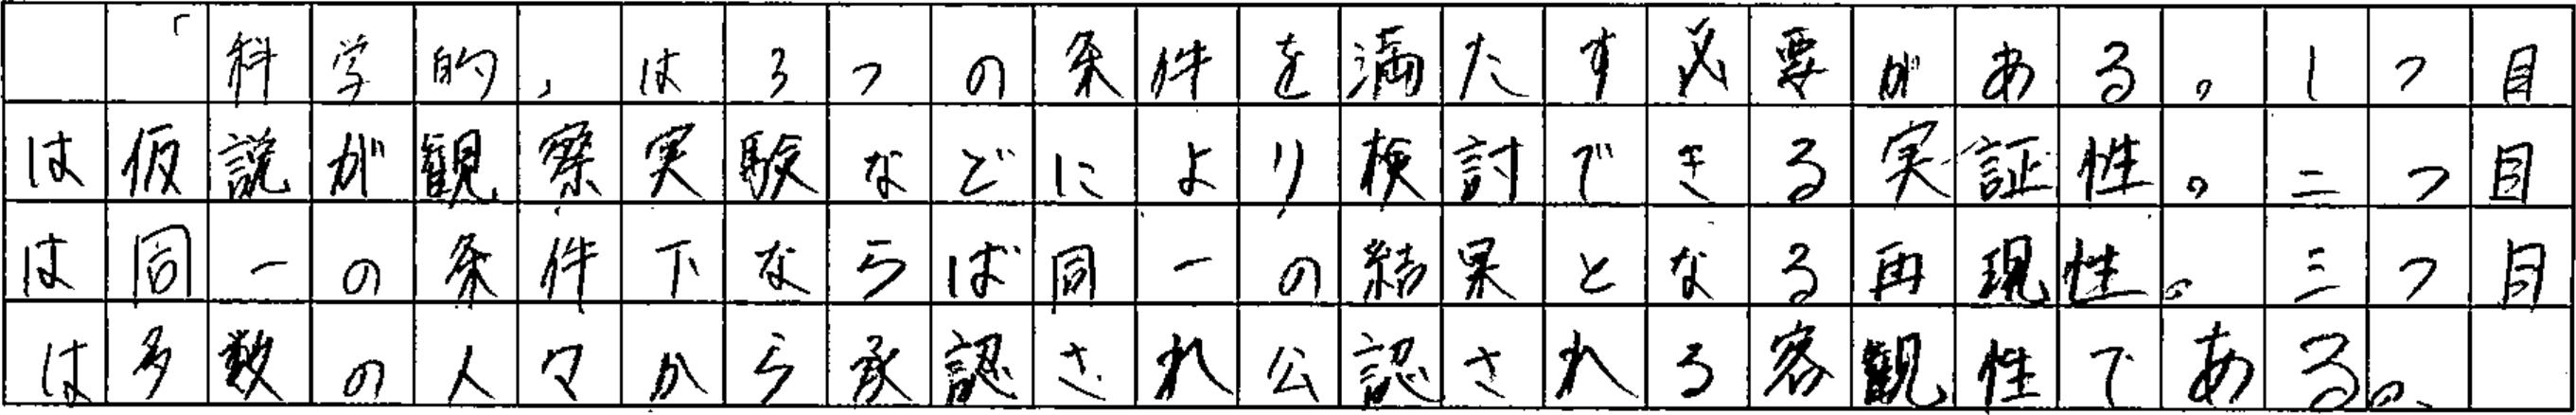　「科学的」は３つの条件を満たす必要がある。１つ目は仮説が観察実験などにより検討できる実証性。二つ目は同一の条件下ならば同一の結果となる再現性。三つ目は多数の人々から承認され公認される客観性である。
